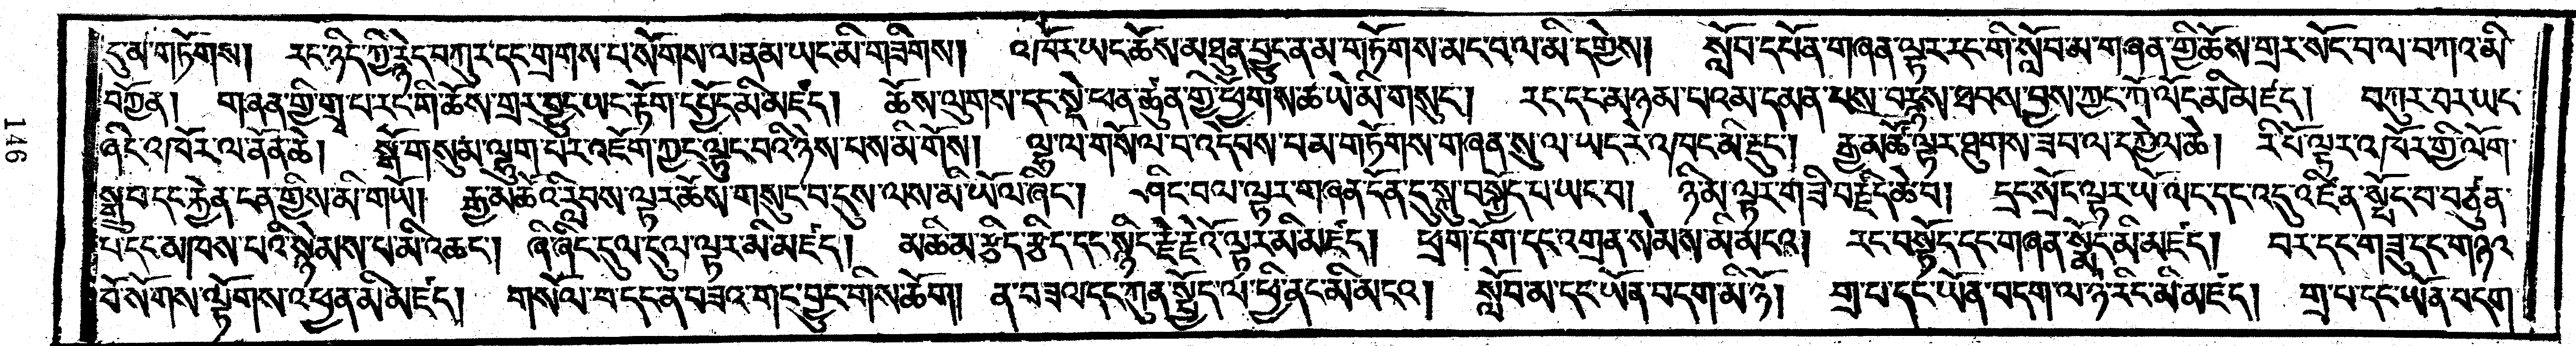དུ་མ་གཏོགས། རང་ཉིད་ཀྱི་རྙེད་བཀུར་དང་གྲགས་པ་སོགས་ལ་ནམ་ཡང་མི་གཟིགས། འཁོར་ཡང་ཆོས་མཐུན་བྱུང་ན་མ་གཏོགས་མང་བ་ལ་མི་དགྱེས། སློབ་དཔོན་གཞན་ལྟར་རང་གི་སློབ་མ་གཞན་གྱི་ཆོས་གྲར་སོང་བ་ལ་བཀའ་མི་
བཀྱོན། གཞན་གྱི་གྲྭ་པ་རང་གི་ཆོས་གྲར་བྱུང་ཡང་རྟོག་དཔྱོད་མི་མཛད། ཆོས་ལུགས་དང་སྡེ་ཕན་ཚུན་གྱི་ཕྱོགས་ཆ་ཡེ་མི་གསུང་། རང་དང་མཉམ་པའམ་དམན་པས་བརྙས་ཐབས་བྱས་ཀྱང་ཀོ་ལོང་མི་མཛད། བཀུར་བར་ཡང་
ཞིང་འཁོར་ལ་ནོན་ཆེ། སྒོ་གསུམ་ལྷུག་པར་འཇོག་ཀྱང་ལྟུང་བའི་ཉེས་པས་མི་གོས། ལྷ་ལ་གསོལ་བ་འདེབས་པ་མ་གཏོགས་གཞན་སུ་ལ་ཡང་རེ་འཁང་མི་རྡུང་། རྒྱ་མཚོ་ལྟར་ཐུགས་ཟབ་ལ་དཀྱེལ་ཆེ། རི་བོ་ལྟར་འཁོར་གྱི་ལོག་
སྒྲུབ་དང་རྐྱེན་ངན་གྱིས་མི་གཡོ། རྒྱ་མཚོའི་རླིབས་ལྟར་ཆོས་གསུང་བ་དུས་ལས་མི་ཡོལ་ཞིང་། ཤིང་བ་ལ་ལྟར་གཞན་དོན་དུ་སྐུ་བསྐྱོད་པ་ཡང་བ། ཉི་མ་ལྟར་གཟི་བརྗིད་ཆེ་བ། དྲང་སྲོང་ལྟར་ཡོ་ལང་དང་འདུ་འཛིན་སྤོང་བ་བཙུན་
པ་དང་མཁས་པའི་སྙེམས་པ་མི་འཆང་། ཞི་ཞིང་དུལ་དུལ་ལྟར་མི་མཛད། མཆི་མ་རྩིད་རྩིད་དང་སྙིང་རྗེ་རྗེའོ་ལྟར་མི་མཛད། ཕྲག་དོག་དང་འགྲན་སེམས་མི་མངའ། རང་བསྟོད་དང་གཞན་སྨོད་མི་མཛད། བར་དང་གཟུ་དང་གཉའ་
བོ་སོགས་ལྟོགས་འཕྱན་མི་མཛད། གསོལ་བ་དང་ན་བཟའ་གང་བྱུང་གིས་ཆོག། ན་བཟའ་དང་ཀུན་སྤྱོད་ལ་ཕྱི་ནང་མི་མངའ། སློབ་མ་དང་ཡོན་བདག་མི་ཉོ། གྲ་པ་དང་ཡོན་བདག་ལ་ཉེ་རིང་མི་མཛད། གྲ་པ་དང་ཡོན་བདག་